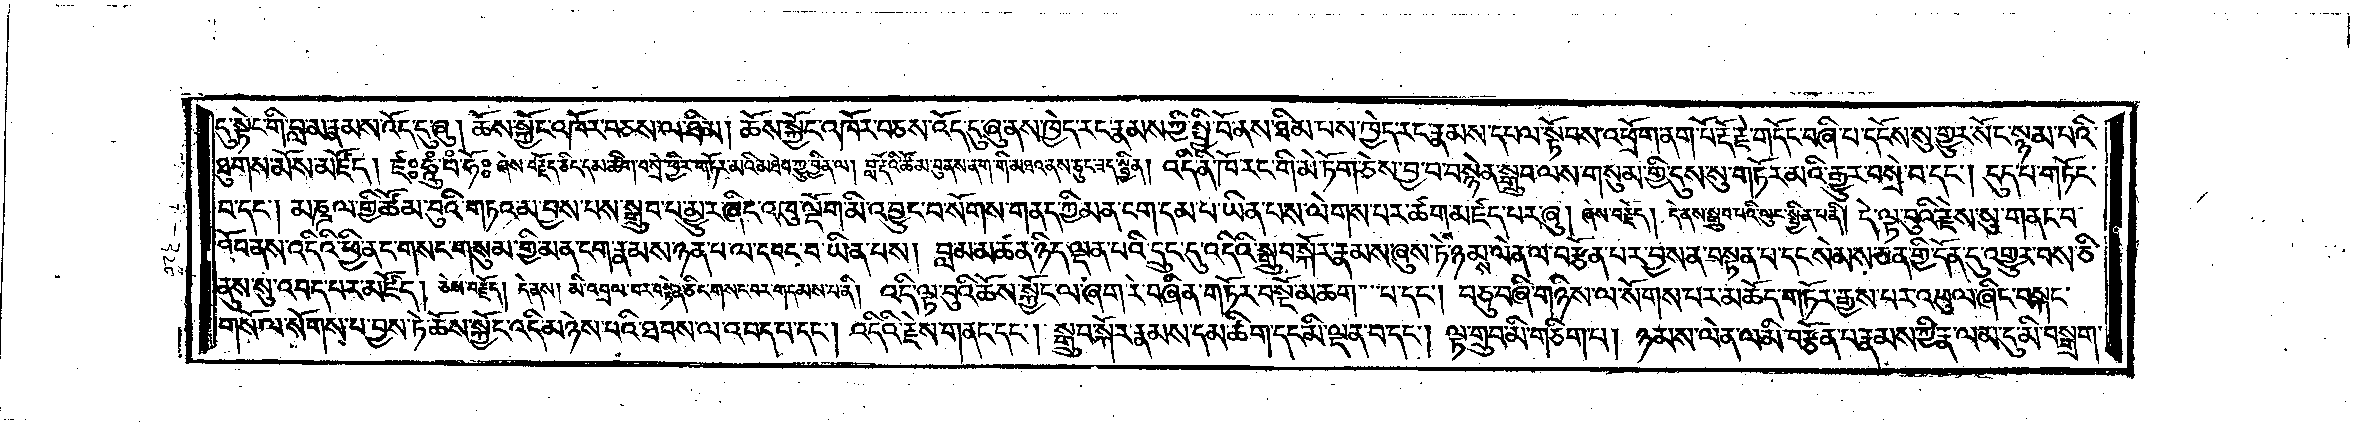དུ་སྟེང་གི་བླ་མ་རྣམས་འོད་དུ་ཞུ། ཆོས་སྐྱོང་འཁོར་བཅས་ལ་ཐིམ། ཆོས་སྐྱོང་འཁོར་བཅས་འོད་དུ་ཞུ་ནས་ཁྱེད་རང་རྣམས་ཀྱི་སྤྱི་པོ་ནས་ཐིམ་པས་ཁྱེད་རང་རྣམས་དཔལ་སྟོབས་འཕྲོག་ནག་དོ་རྡོ་རྗེ་གདོང་བཞི་པ་དངོས་སུ་གྱུར་སོང་སྙམ་པའི་
ཐུགས་མོས་མཛོད། ཛཿཧཱུཾ་བཾ་ཧོཿ ཞེས་བརྗོད་ཅིང་དམ་ཚིག་བསྲེ་ཕྱིར་གཏོར་མའི་མཐེབ་ཀྱུ་བྱིན་ལ། བླ་རྡོའི་ཚོམ་བུ་ནས་ནག་གི་མཐའ་ནས་ཅུང་ཟད་སྦྱིན། འདི་ནི་ཁོ་རང་གི་མེ་ཏོག་ཅེས་བྱ་བ་བསྙེན་སྒྲུབ་ལས་གསུམ་གྱི་དུས་སུ་གཏོར་མའི་རྒྱུར་བསྲེ་བ་དང་། དུད་པ་གཏོང་
བ་དང་། མཎྚལ་གྱི་ཚོམ་བུའི་གཏའ་མ་བྱས་པས་སྒྲུབ་པ་མྱུར་ཞིང་འཁུ་ལྡོག་མི་འབྱུང་བ་སོགས་གནད་ཀྱི་མན་ངག་དམ་པ་ཡིན་པས་ལེགས་པར་ཚགས་མཛད་པར་ཞུ། ཞེས་བརྗོད། དེ་ནས་སྒྲུབ་པའི་ལུང་སྦྱིན་བ་ནི། དེ་ལྟ་བུའི་རྗེས་སུ་གནང་བ་
ཐོབ་ནས་འདིའི་ཕྱི་ནང་གསང་གསུམ་གྱི་མན་ངག་རྣམས་ཉན་པ་ལ་དབང་བ་ཡིན་པས། བླ་མ་མཚན་ཉིད་ལྡན་པའི་དྲུང་དུ་འདིའི་སྒྲུབ་སྐོར་རྣམས་ཞུས་ཏེ་ཉམས་ལེན་ལ་བརྩོན་པར་བྱས་ན་བསྟན་པ་དང་སེམས་ཅན་གྱི་དོན་དུ་འགྱུར་བས་ཅི་
ནུས་སུ་འབད་པར་མཛོད། ཅེས་བརྗོད། དེ་ནས། མི་འབྲལ་བར་བརྟེན་ཅིང་གསང་བར་གདམས་པ་ནི། འདི་ལྟ་བུའི་ཆོས་སྐྱོང་ལ་ཞག་རེ་བཞིན་གཏོར་བསྔོ་མ་ཆག་པ་དང་། བཅུ་བཞི་གཉིས་ལ་སོགས་པར་མཆོད་གཏོར་རྒྱས་པར་འབུལ་ཞིང་བསྐང་
གསོ་ལ་སོགས་པ་བྱས་ཏེ་ཆོས་སྐྱོང་འདི་མ་ཉེས་པའི་ཐབས་ལ་འབད་པ་དང་། འདིའི་རྗེས་གནང་དང་། སྒྲུབ་སྐོར་རྣམས་དམ་ཚིག་དང་མི་ལྡན་པ་དང་། ལྟ་གྲུབ་མི་གཅིག་པ། ཉམས་ལེན་ལ་མི་བརྩོན་བ་རྣམས་ཀྱི་རྣ་ལམ་དུ་མི་བསྒྲག་